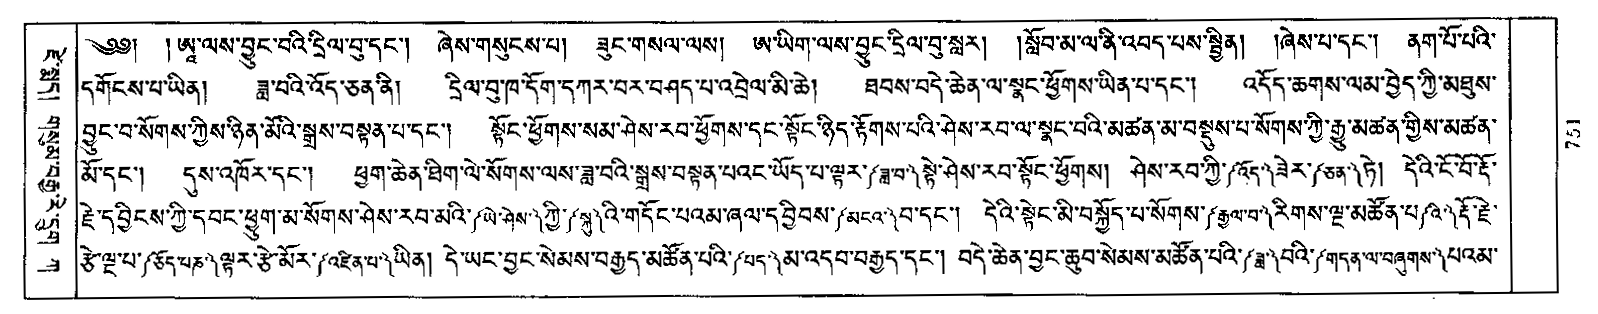༄༅། །ཨཱ་ལས་བྱུང་བའི་དྲིལ་བུ་དང་། ཞེས་གསུངས་པ། ཟུང་གསལ་ལས། ཨ་ཡིག་ལས་བྱུང་དྲིལ་བུ་སླར། །སློབ་མ་ལ་ནི་འབད་པས་སྦྱིན། །ཞེས་པ་དང་། ནག་པོ་པའི་
དགོངས་པ་ཡིན། ཟླ་བའི་འོད་ཅན་ནི། དྲིལ་བུ་ཁ་དོག་དཀར་བར་བཤད་པ་འབྲེལ་མི་ཆེ། ཐབས་བདེ་ཆེན་ལ་སྣང་ཕྱོགས་ཡིན་པ་དང་། འདོད་ཆགས་ལམ་བྱེད་ཀྱི་མཐུས་
བྱུང་བ་སོགས་ཀྱིས་ཉིན་མོའི་སྒྲས་བསྟན་པ་དང་། སྟོང་ཕྱོགས་སམ་ཤེས་རབ་ཕྱོགས་དང་སྟོང་ཉིད་རྟོགས་པའི་ཤེས་རབ་ལ་སྣང་བའི་མཚན་མ་བསྡུས་པ་སོགས་ཀྱི་རྒྱུ་མཚན་གྱིས་མཚན་
མོ་དང་། དུས་འཁོར་དང་། ཕྱག་ཆེན་ཐིག་ལེ་སོགས་ལས་ཟླ་བའི་སྒྲས་བསྟན་པའང་ཡོད་པ་ལྟར ༼ཟླ་བ྄་སྟེ་ཤེས་རབ་སྟོང་ཕྱོགས། ཤེས་རབ་ཀྱི་༽འོད྄་ཟེར་ཅན྄་ཏེ། དེའི་ངོ་བོ་རྡོ་
རྗེ་དབྱིངས་ཀྱི་དབང་ཕྱུག་མ་སོགས་ཤེས་རབ་མའི ༼ཡེ་ཤེས྄་ཀྱི་༽སྐ྄ུ་འི་གདོང་པའམ་ཞལ་དབྱིབས ༼མངའ྄་བ་དང་། དེའི་སྟེང་མི་བསྐྱོད་པ་སོགས་༽རྒྱལ་བ྄་རིགས་ལྔ་མཚོན་པ་འ྄ི་རྡོ་རྗེ་
རྩེ་ལྔ་པ ༼ཅོད་པཎ྄་ལྟར་རྩེ་མོར་༽འཛིན་པ྄་ཡིན། དེ་ཡང་བྱང་སེམས་བརྒྱད་མཚོན་པའི ༼པད྄་མ་འདབ་བརྒྱད་དང་། བདེ་ཆེན་བྱང་ཆུབ་སེམས་མཚོན་པའི་༽ཟླ྄་བའི་གདན་ལ་བཞུགས྄་པའམ་